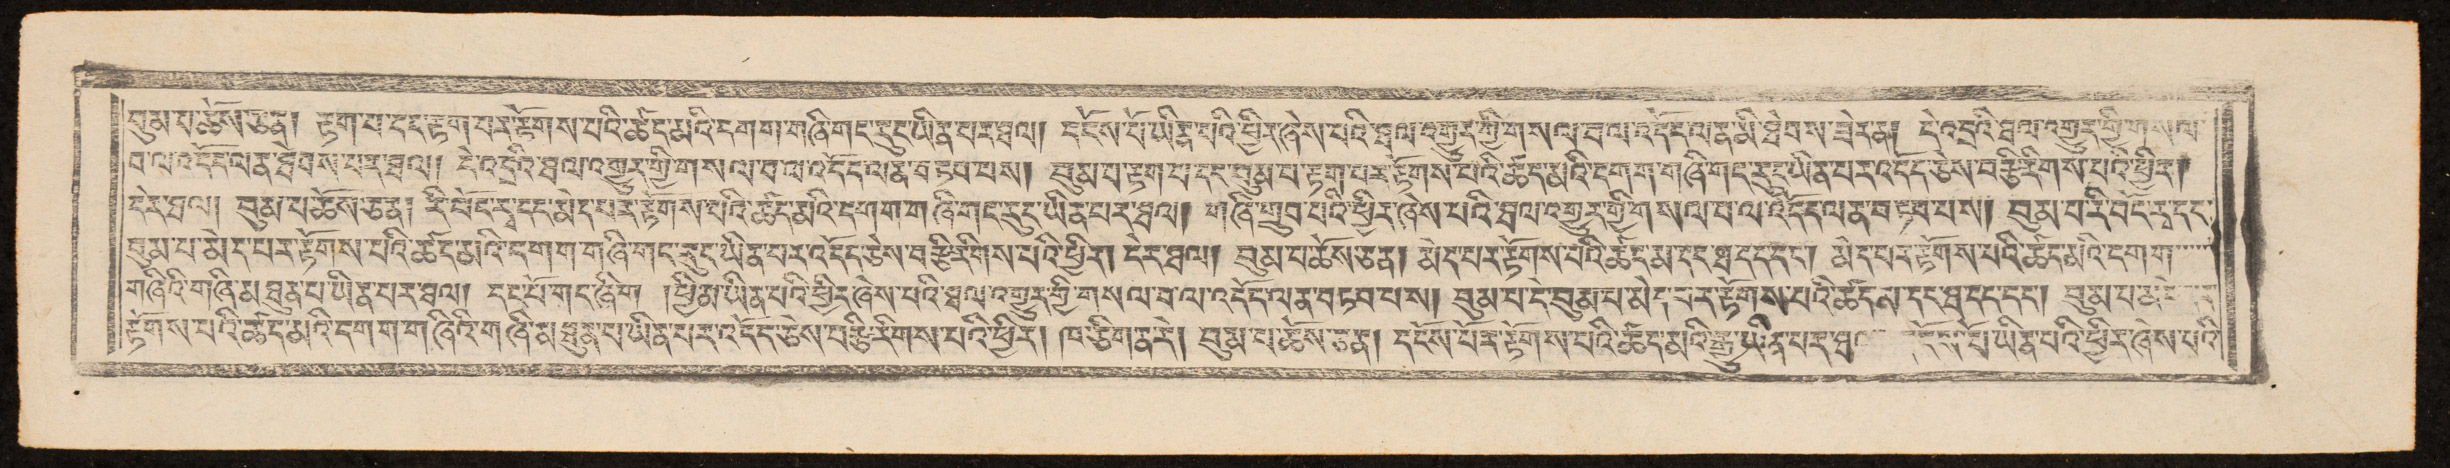བུམ་པ་ཆོས་ཅན། རྟག་པ་དང་རྟག་པར་རྟོགས་པའི་ཚད་མའི་དགག་གཞི་གང་རུང་ཡིན་པར་ཐལ། དངོས་པོ་ཡིན་པའི་ཕྱིར་ཞེས་པའི་ཐལ་འགྱུར་གྱི་གསལ་བ་ལ་འདོད་ལན་མི་ཐེབས་ཟེར་ན། དེ་འདྲའི་ཐལ་འགྱུར་གྱི་གསལ་
བ་ལ་འདོད་ལན་ཐེབས་པར་ཐལ། དེ་འདྲའི་ཐལ་འགྱུར་གྱི་གསལ་བ་ལ་འདོད་ལན་བཏབ་པས། བུམ་པ་རྟག་པ་དང་བུམ་པ་རྟག་པར་རྟོགས་པའི་ཚད་མའི་དགག་གཞི་གང་རུང་ཡིན་པར་འདོད་ཅེས་བརྩི་རིགས་པའི་ཕྱིར།
དེར་ཐལ། བུམ་པ་ཆོས་ཅན། རི་བོང་རྭ་དང་མེད་པར་རྟོགས་པའི་ཚད་མའི་དགག་གཞི་གང་རུང་ཡིན་པར་ཐལ། གཞི་གྲུབ་པའི་ཕྱིར་ཞེས་པའི་ཐལ་འགྱུར་གྱི་གསལ་བ་ལ་འདོད་ལན་བཏབ་པས། བུམ་པ་རི་བོང་རྭ་དང་
བུམ་པ་མེད་པར་རྟོགས་པའི་ཚད་མའི་དགག་གཞི་གང་རུང་ཡིན་པར་འདོད་ཅེས་བརྩི་རིགས་པའི་ཕྱིར། དེར་ཐལ། བུམ་པ་ཆོས་ཅན། མེད་པར་རྟོགས་པའི་ཚད་མ་དང་ཐ་དད་དང་། མེད་པར་རྟོགས་པའི་ཚད་མའི་དགག་
གཞིའི་གཞི་མཐུན་པ་ཡིན་པར་ཐལ། དང་པོ་གང་ཞིག །ཕྱི་མ་ཡིན་པའི་ཕྱིར་ཞེས་པའི་ཐལ་འགྱུར་གྱི་གསལ་བ་ལ་འདོད་ལན་བཏབ་པས། བུམ་པ་དེ་བུམ་པ་མེད་པར་རྟོགས་པའི་ཚད་མ་དང་ཐ་དད་དང་། བུམ་པ་མེད་པར་
རྟོགས་པའི་ཚད་མའི་དགག་གཞིའི་གཞི་མཐུན་པ་ཡིན་པར་འདོད་ཅེས་བརྩི་རིགས་པའི་ཕྱིར། ཁ་ཅིག་ན་རེ། བུམ་པ་ཆོས་ཅན། དངོས་པོར་རྟོགས་པའི་ཚད་མའི་རྒྱུ་ཡིན་པར་ཐལ། དངོས་པོ་ཡིན་པའི་ཕྱིར་ཞེས་པའི་